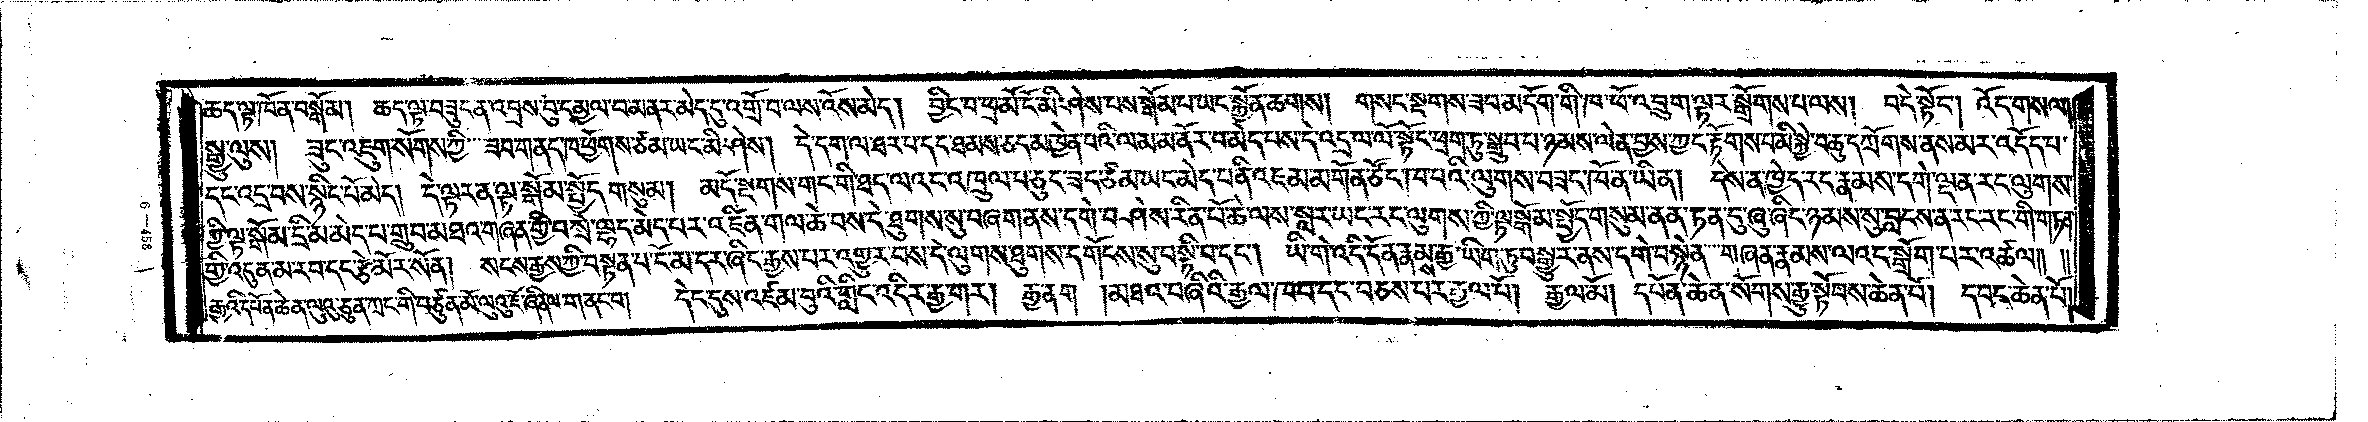ཆད་ལྟ་ཁོ་ན་བསྒོམ། ཆད་ལྟ་བཟུང་ན་འབྲས་བུ་དམྱལ་བ་མནར་མེད་དུ་འགྲོ་བ་ལས་འོས་མེད། བྱིང་བ་ཕྲ་མོ་ངོ་མི་ཤེས་པས་སྒོམ་པ་ཡང་སྐྱོན་ཆགས། གསང་སྔགས་ཟབ་མདོག་གི་ཁ་ཕོ་འབྲུག་ལྟར་སྒྲོགས་པ་ལས། བདེ་སྟོང་། འོད་གསལ་
སྒྱུ་ལུས། ཟུང་འཇུག་སོགས་ཀྱི་ཟབ་གནད་ཁ་ཕྱོགས་ཙམ་ཡང་མི་ཤེས། དེ་དག་ལ་ཐར་པ་དང་ཐམས་ཅད་མཁྱེན་པའི་ལམ་མ་ནོར་བ་མེད་པས་དེ་འདྲ་ལ་ལོ་སྟོང་ཕྲག་ཏུ་སྒྲུབ་པ་ཉམས་ལེན་བྱས་ཀྱང་རྟོགས་བ་མི་སྐྱེ་བ་ཆུ་དཀྲོགས་ནས་མར་འདོད་པ་
དང་འདྲ་བས་སྙིང་པོ་མེད། དེ་ལྟར་ན་ལྟ་སྒོམ་སྤྱོད་གསུམ། མདོ་སྔགས་གང་གི་ཐད་ལའང་འཁྲུལ་པ་ཅུང་ཟད་ཙམ་ཡང་མེད་པ་ནི་འཇམ་མགོན་ཙོང་ཁ་པའི་ལུགས་བཟང་ཁོ་ན་ཡིན། དེས་ན་ཁྱེད་རང་རྣམས་དགེ་ལྡན་རང་ལུགས་
གྱི་ལྟ་སྒོམ་དྲི་མ་མེད་པ་གྲུབ་མཐའ་གཞན་གྱི་བསྲེ་ལྷད་མེད་པར་འཛིན་གལ་ཆེ་བས་དེ་ཐུགས་སུ་བཞག་ནས་དགེ་བཤེས་རིན་པོ་ཆེ་ལས་སླར་ཡང་རང་ལུགས་ཀྱི་ལྟ་སྒོམ་སྤྱོད་གསུམ་ནན་ཏན་དུ་ཞུ་ཞིང་ཉམས་སུ་བླངས་ན་རང་རང་གི་གཏན་
གྱི་འདུན་མ་རབ་དང་རྩེ་མོར་སོན། སངས་རྒྱས་ཀྱི་བསྟན་པ་ངོ་མ་དར་ཞིང་རྒྱས་པར་འགྱུར་བས་དེ་ལུགས་ཐུགས་དགོངས་སུ་བསྟི་བ་དང་། ཡི་གེ་འདི་དོན་རྣམས་རྒྱ་ཡིག་ཏུ་བསྒྱུར་ནས་དགེ་བསྙེན་གཞན་རྣམས་ལའང་སྒྲོག་པར་འཚལ།། །།
རྒྱའི་དཔོན་ཆེན་ལུའུ་ཅུན་ཀྲང་གི་བཙུན་མོ་ལུའུ་ཇོ་ཞིན་ལ་གནང་བ།  དེང་དུས་འཛམ་བུའི་གླིང་འདིར་རྒྱ་གར། རྒྱ་ནག །མཐའ་བཞིའི་རྒྱལ་ཁབ་དང་བཅས་པར་རྒྱལ་པོ། རྒྱལ་མོ། དཔོན་ཆེན་སོགས་རྒྱུ་སྟོབས་ཆེན་པོ། དབང་ཆེན་པོ།